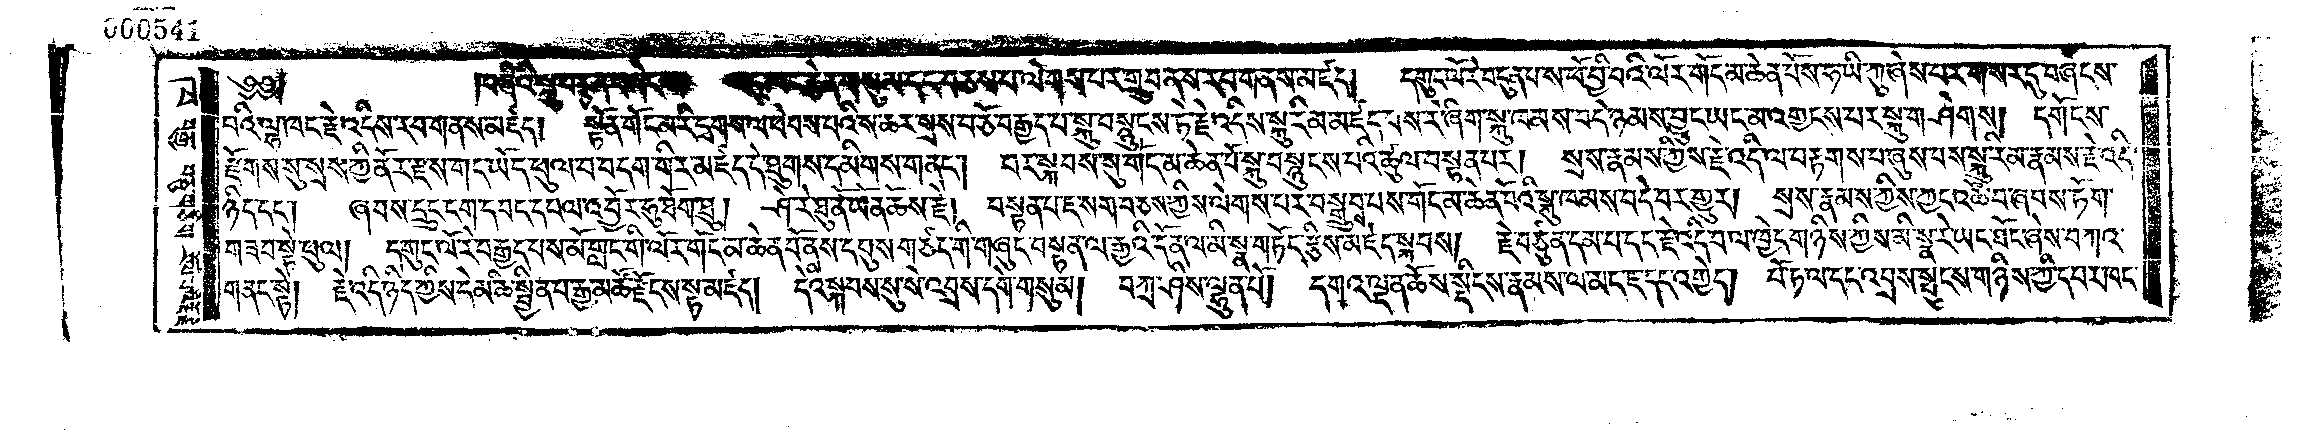༄༅། །བཞིའི་སྐུ་བརྙན་བཞེངས། འདུ་ཁང་རྟེན་གསུམ་དང་བཅས་པ་ལེགས་པར་གྲུབ་ནས་རབ་གནས་མཛད། དགུང་ལོ་རེ་བདུན་པ་ས་ཕོ་བྱི་བའི་ལོར་གོད་མ་ཆེན་པོས་ཧ་ཡི་ཀུ་ཞེས་པར་གསར་དུ་བཞེངས་
བའི་ལྷ་ཁང་རྗེ་འདིས་རབ་གནས་མཛད། སྟོན་གོང་མ་རི་དྭགས་ལ་ཕེབས་པའི་ས་ཆར་སྲས་བཅོ་བརྒྱད་པ་སྐུ་བསྙུང་ཏེ་རྗེ་འདིས་སྐུ་རིམ་མཛད་པས་རེ་ཞིག་སྐུ་ཁམས་བདེ་ཉམས་བྱུང་ཡང་མ་འགྱངས་པར་སྐུ་གཤེགས། དགོངས་
རྫོགས་སུ་སྲས་ཀྱི་ནོར་རྫས་གད་ཡོད་ཕུལ་བ་བདག་གིར་མཛད་དེ་ཐུགས་དམིགས་གནང་། བར་སྐབས་སུ་གོང་མ་ཆེན་པོ་སྐུ་བསྙུངས་པའི་ཚུལ་བསྟན་པར། སྲས་རྣམས་ཀྱིས་རྗེ་འདི་ལ་བརྟགས་པ་ཞུས་པས་སྐུ་རིམ་རྣམས་རྗེ་འདི་
ཉིད་དང་། ཞབས་དྲུང་ངག་དབང་དཔལ་འབྱོར་ཧུ་ཐོག་ཐུ། ཤེ་རེ་ཐུ་ནོ་ཡོན་ཆོས་རྗེ། བསྟན་པ་ཇ་སག་བཅས་ཀྱིས་ལེགས་པར་བསྒྲུབས་པས་གོང་མ་ཆེན་པོའི་སྐུ་ཁམས་བདེ་བར་གྱུར། སྲས་རྣམས་ཀྱིས་ཀྱང་འཚོ་བ་ཞབས་ཏོག་
གཟབ་སྟེ་ཕུལ། དགུང་ལོ་རེ་བརྒྱད་པས་མོ་གླང་གི་ལོར་གོང་མ་ཆེན་པོ་ནས་དབུས་གཙང་གི་གཞུང་བསྟན་ལ་རྒྱའི་དོན་ལ་མི་སྣ་གཏོད་རྩིས་མཛད་སྐབས། རྗེ་བཙུན་དམ་པ་དང་རྗེ་འདི་བ་ལ་ཁྱེད་གཉིས་ཀྱིས་མི་སྣ་རེ་ཡང་ཐོང་ཞེས་བཀའ་
གནང་སྟེ། རྗེ་འདི་ཉིད་ཀྱིས་དེམ་ཆི་སྦྱིན་པ་རྒྱ་མཚོ་རྫོངས་སྟ་མཛད། དེའི་སྐབས་སུ་སེ་འབྲས་དགེ་གསུམ། བཀྲ་ཤིས་ལྷུན་པོ། དགའ་ལྡན་ཆོས་སྡིངས་རྣམས་ལ་མང་ཇ་དང་འགྱེད། པོ་ཏ་ལ་དང་འབྲས་སྤུངས་གཉིས་ཀྱི་དཔར་ཁང་